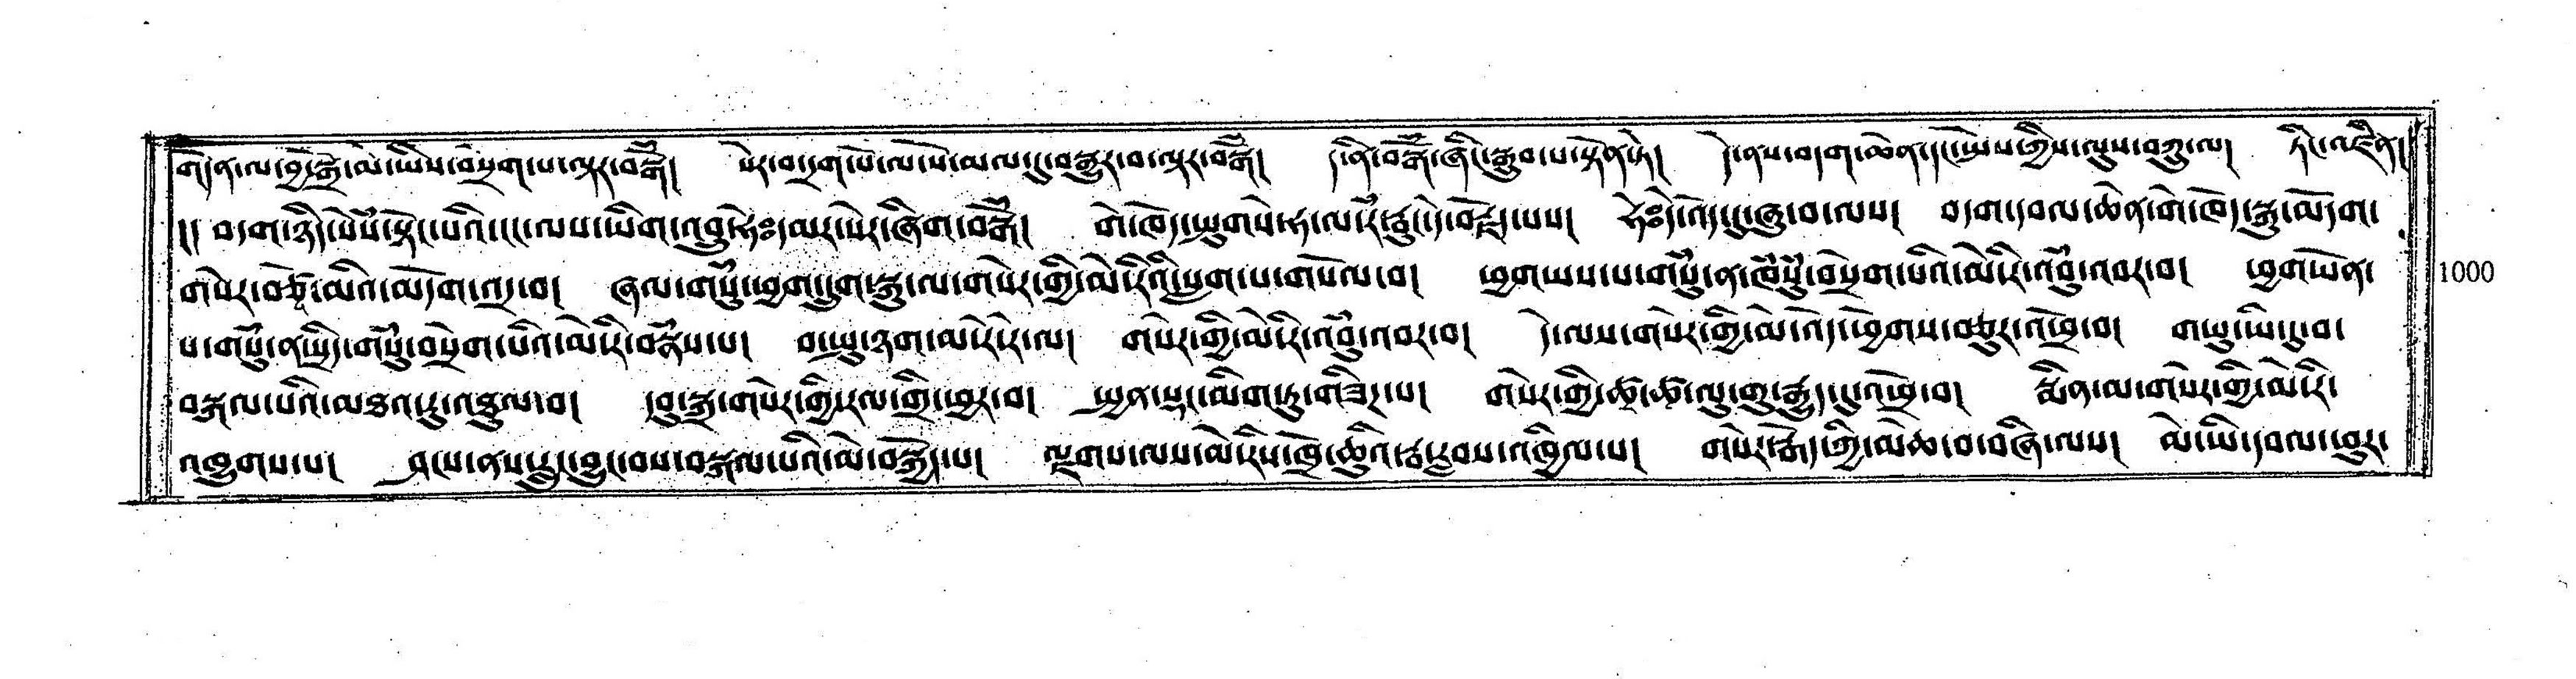གདོན་ལ་བྱོ་སྒྲ་མེ་ཡིས་བསྲེག་པ་ལྟར་བསྒོམ། སེར་བ་དྲག་པོ་ལ་སོ་མལ་དུ་བསྒྱུར་བ་ལྟར་བསྒོམ། ད་ནི་བསྒོམ་ཞིང་སྒྲུབ་པ་སྟོན་ཏེ། དེ་ནས་བདག་ཆེན་དང་སྤོར་ཀྱིས་ལུས་བཀྲུ་ལ། ཏིང་འཛིན། 
།།བདག་ཉིད་སེམས་སྟོང་པའི་ངང་ལས་ཡིག་འབྲུ་ཧེཿདམར་སེར་ཞིག་བསྒོམ། གེ་ཁོད་སྤུགསེ་ཧ་ལ་རཾ་རྦུང་དེ་བརྗོད་པས། ཧེཿདེ་འོད་དུ་ཞུ་བ་ལས། བདག་དབལ་ཆེན་གེ་ཁོད་སྐུ་མདོག་
གསེར་བཙྭོ་མའི་མདོག་འདྲ་བ། ཞལ་གསུམ་ཕྱག་དྲུག་སྐུ་ལ་གསེར་གྱི་མེ་རིའི་སླག་པ་གསོལ་བ། ཕྱག་གཡས་པ་གསུམ་ན་ཁམས་གསུམ་བསྲེག་པའི་མེ་རི་འབུམ་འབར་བ། ཕྱག་གཡོན་
པ་གསུམ་ན་སྲིད་གསུམ་བསྲེག་པའི་མེ་རི་བསྣམས་པ། བ་སྤུ་ཉག་མ་རེ་རེ་ལ། གསེར་གྱི་མེ་རི་འབུམ་འབར་བ། དེ་ལས་གསེར་གྱི་མེ་འོད་ཕྱོགས་བཅུར་འཕྲོ་བ། གཡུ་ཡི་དུ་བ་
བསྐལ་པའི་མཐའ་རུ་འཐུལ་བ། དབུ་སྐྲ་གསེར་གྱི་རལ་གྲི་ཕྱར་བ། སྤྱན་སྡང་མིག་ཏུ་གཟིགས་པ། གསེར་གྱི་ཚྭ་ཚྭ་ལུ་གུ་རྒྱུད་དུ་འཕྲོ་བ། སྨིན་མ་གསེར་གྱི་མེ་རི་
འཁྱུགས་པ། ཤངས་ནས་རླུང་བྱུང་བས་བསྐལ་པའི་མེ་བསྐྱོད་པ། ལྗགས་ལས་མེ་རིས་ཁྲོ་ཆུའི་རྦ་རླབས་འཁྱིལ་པ། གསེར་རྒོད་ཀྱི་མཆེ་བ་བཞི་ལས། མེ་ཡི་དབལ་ཕུར་